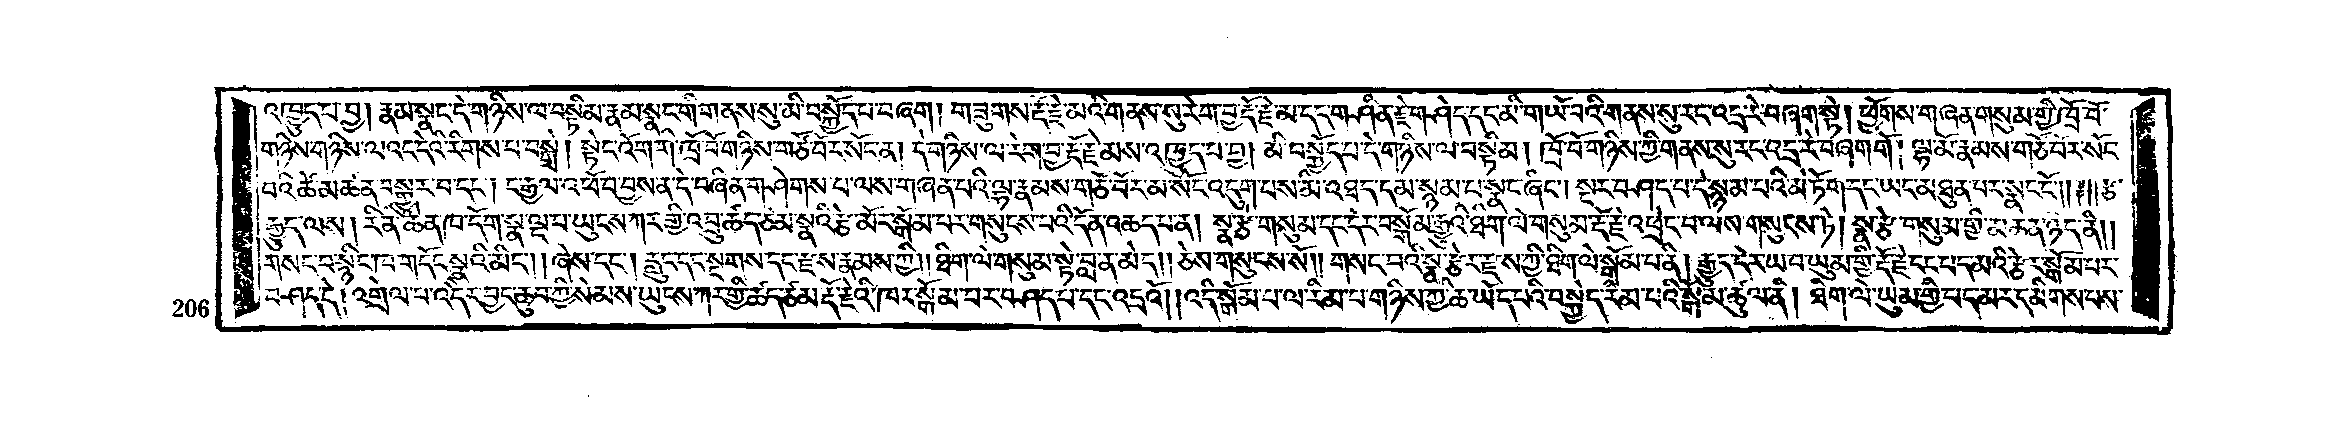འཁྱུད་པ་བྱ། རྣམ་སྣང་དེ་གཉིས་ལ་བསྟིམ་རྣམ་སྣང་གི་གནས་སུ་མི་བསྐྱོད་པ་བཞག །གཟུགས་རྡོ་རྗེ་མའི་གནས་སུ་རེག་བྱ་རྡོ་རྗེ་མ་དང་གཤིན་རྗེ་གཤེད་དང་མི་གཡོ་བའི་གནས་སུ་རང་འདྲ་རེ་བཞག་སྟེ། ཕྱོགས་གཞན་གསུམ་གྱི་ཁྲོ་བོ་
གཉིས་གཉིས་ལའང་དེའི་རིགས་པ་བསྒྲེ། སྟེང་འོག་གི་ཁྲོ་བོ་གཉིས་གཙོ་བོར་སོང་ན། དེ་གཉིས་ལ་རེག་བྱ་རྡོ་རྗེ་མས་འཁྱུད་པ་བྱ། མི་བསྐྱོད་པ་དེ་གཉིས་ལ་བསྟིམ། ཁྲོ་བོ་གཉིས་ཀྱི་གནས་སུ་རང་འདྲ་རེ་བཞག་གོ །ལྷ་མོ་རྣམས་གཙོ་བོར་སོང་
བའི་ཚེ་མཚན་བསྒྱུར་བ་དང་། ང་རྒྱལ་འཕོ་བ་བྱས་ན་དེ་བཞིན་གཤེགས་པ་ལས་གཞན་པའི་ལྷ་རྣམས་གཙོ་བོར་མ་སོང་འདུག་པས་མི་འཐད་དམ་སྙམ་པ་སྣང་ཞིང་། སྔར་བཤད་པ་དེ་སྙིམ་པའི་མེ་ཏོག་དང་ཡང་མཐུན་པར་སྣང་ངོ།། ༈ །།རྩ་
རྒྱུད་ལས། རིན་ཆེན་ཁ་དོག་སྣ་ལྔ་པ་ཡུངས་ཀར་གྱི་འབྲུ་ཚད་ཙམ་སྣའི་རྩེ་མོར་སྒོམ་པར་གསུངས་པའི་དོན་འཆད་པ་ན། སྣ་རྩེ་གསུམ་དང་དེར་བསྒོམ་རྒྱའི་ཐིག་ལེ་གསུམ་རྡོ་རྗེ་འཕྲེང་བ་ལས་གསུངས་ཏེ། སྣ་རྩེ་གསུམ་གྱི་མཚན་ཉིད་ནི། །
གསང་བ་སྙིང་ཁ་གདོང་སྣའི་མིང་། །ཞེས་དང་། རླུང་དང་སྔགས་དང་རྫས་རྣམས་ཀྱི། །ཐིག་ལེ་གསུམ་སྟེ་བླ་ན་མེད། །ཅེས་གསུངས་སོ། །གསང་བའི་སྣ་རྩེར་རྫས་ཀྱི་ཐིག་ལེ་སྒོམ་པ་ནི། རྒྱུད་དེར་ཡབ་ཡུམ་གྱི་རྡོ་རྗེ་དང་པད་མའི་རྩེར་སྒོམ་པར་
བཤད་དེ། འགྲེལ་པ་འདིར་བྱང་ཆུབ་ཀྱི་སེམས་ཡུངས་ཀར་གྱི་ཚད་ཙམ་རྡོ་རྗེའི་ཁར་སྒོམ་པར་བཤད་པ་དང་འདྲའོ། །འདི་སྒོམ་པ་ལ་རིམ་པ་གཉིས་ཀྱི་ཆ་ཡོད་པའི་བསྐྱེད་རིམ་པའི་སྒོམ་ཚུལ་ནི། ཐིག་ལེ་ཡུམ་གྱི་པད་མར་དམིགས་པས་